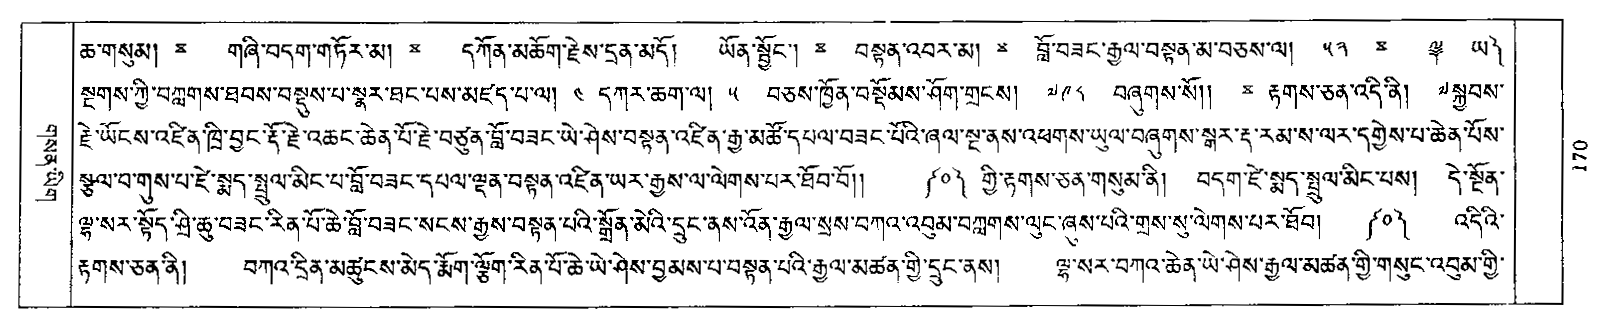ཆ་གསུམ། ྾་གཞི་བདག་གཏོར་མ། ྾་དཀོན་མཆོག་རྗེས་དྲན་མདོ། ཡོན་སྦྱོང་། ྾་བསྟན་འབར་མ། ྾་བློ་བཟང་རྒྱལ་བསྟན་མ་བཅས་ལ། ༥༢་྾་༈ ཡ྄
སྔགས་ཀྱི་བཀླགས་ཐབས་བསྡུས་པ་སྣར་ཐང་པས་མཛད་པ་ལ། ༤་དཀར་ཆག་ལ། ༥་བཅས་ཁྱོན་བསྡོམས་ཤོག་གྲངས། ༧༩༨་བཞུགས་སོ།། ྾་རྟགས་ཅན་འདི་ནི། ༧་སྐྱབས་
རྗེ་ཡོངས་འཛིན་ཁྲི་བྱང་རྡོ་རྗེ་འཆང་ཆེན་པོ་རྗེ་བཙུན་བློ་བཟང་ཡེ་ཤེས་བསྟན་འཛིན་རྒྱ་མཚོ་དཔལ་བཟང་པོའི་ཞལ་སྔ་ནས་འཕགས་ཡུལ་བཞུགས་སྒར་རྡ་རམ་ས་ལར་དགྱེས་པ་ཆེན་པོས་
སྩལ་བ་གུས་པ་ཛེ་སྨད་སྤྲུལ་མིང་པ་བློ་བཟང་དཔལ་ལྡན་བསྟན་འཛིན་ཡར་རྒྱས་ལ་ལེགས་པར་ཐོབ་བོ།། ༠?་གྱི་རྟགས་ཅན་གསུམ་ནི། བདག་ཛེ་སྨད་སྤྲུལ་མིང་པས། དེ་སྔོན་
ལྷ་སར་སྟོད་ཤྲི་ཆུ་བཟང་རིན་པོ་ཆེ་བློ་བཟང་སངས་རྒྱས་བསྟན་པའི་སྒྲོན་མེའི་དྲུང་ནས་འོན་རྒྱལ་སྲས་བཀའ་འབུམ་བཀླགས་ལུང་ཞུས་པའི་གྲས་སུ་ལེགས་པར་ཐོབ། ༠?་འདིའི་
རྟགས་ཅན་ནི། བཀའ་དྲིན་མཚུངས་མེད་རྨོག་ལྕོག་རིན་པོ་ཆེ་ཡེ་ཤེས་བྱམས་པ་བསྟན་པའི་རྒྱལ་མཚན་གྱི་དྲུང་ནས། ལྷ་སར་བཀའ་ཆེན་ཡེ་ཤེས་རྒྱལ་མཚན་གྱི་གསུང་འབུམ་གྱི་